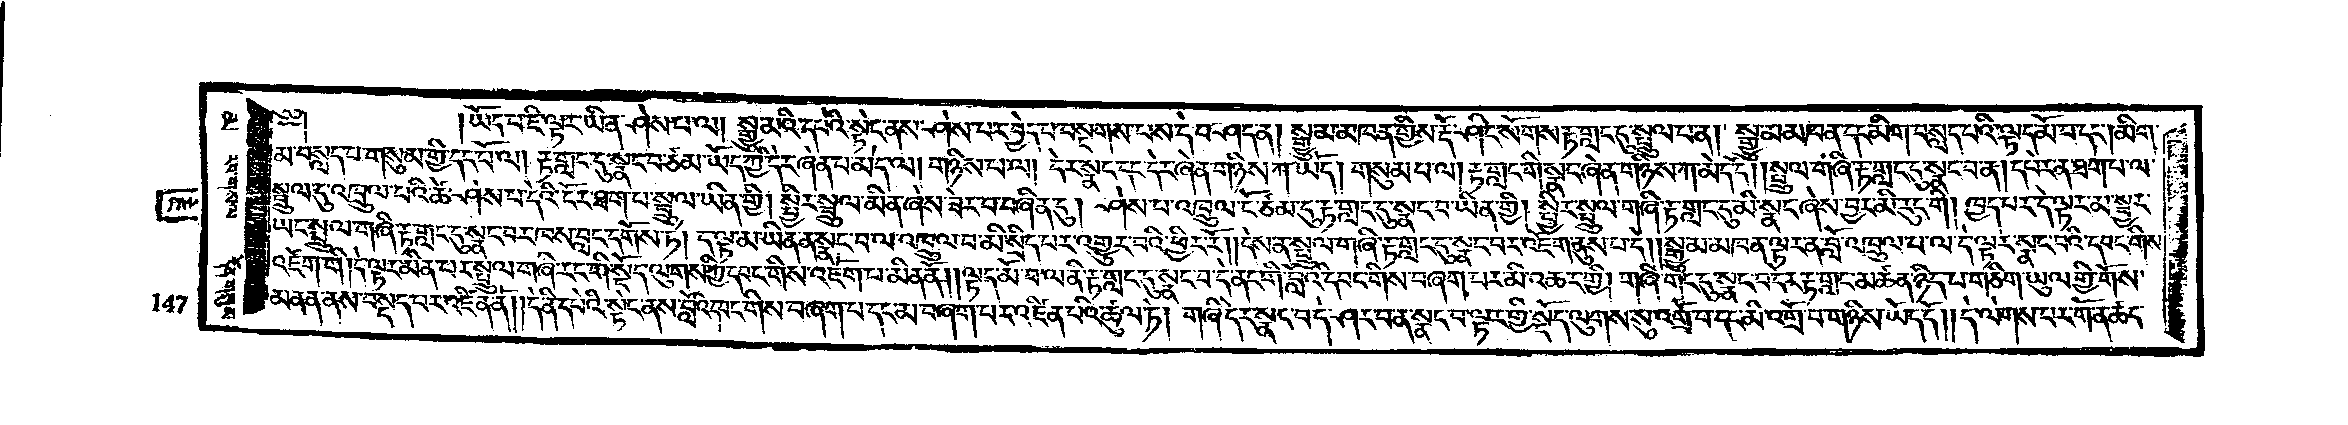༄༅། །ཡོད་པ་ཇི་ལྟར་ཡིན་ཤེས་པ་ལ། སྒྱུ་མའི་དཔེའི་སྟེང་ནས་ཤེས་པར་བྱེད་པ་བསྔགས་པས་དེ་བཤད་ན། སྒྱུ་མ་མཁན་གྱིས་རྡེ་ཤིང་སོགས་རྟ་གླང་དུ་སྤྲུལ་པ་ན། སྒྱུ་མ་མཁན་དང་མིག་བསླད་པའི་ལྟད་མོ་བ་དང་། མིག་
མ་བསླད་པ་གསུམ་གྱི་དང་པོ་ལ། རྟ་གླང་དུ་སྣང་བ་ཙམ་ཡོད་ཀྱི་དེར་ཞེན་པ་མེད་ལ། གཉིས་པ་ལ། དེར་སྣང་དང་དེར་ཞེན་གཉིས་ཀ་ཡོད། གསུམ་པ་ལ། རྟ་གླང་གི་སྣང་ཞེན་གཉིས་ཀ་མེད་དོ། །སྤྲུལ་གཞི་རྟ་གླང་དུ་སྣང་བ་ན། དཔེར་ན་ཐག་པ་ལ་
སྤྲུལ་དུ་འཁྲུལ་པའི་ཚེ་ཤེས་པ་དེའི་ངོར་ཐག་པ་སྦྲུལ་ཡིན་གྱི། སྤྱིར་སྦྲུལ་མིན་ཞེས་ཟེར་བ་བཞིན་དུ། ཤེས་པ་འཁྲུལ་ངོ་ཙམ་དུ་རྟ་གླང་དུ་སྣང་བ་ཡིན་གྱི། སྤྱིར་སྤྲུལ་གཞི་རྟ་གླང་དུ་མི་སྣང་ཞེས་བྱར་མི་རུང་གི །ཁྱད་པར་དེ་ལྟར་མ་སྦྱར་
ཡང་སྤྲུལ་གཞི་རྟ་གླང་དུ་སྣང་བར་ཁས་བླང་དགོས་ཏེ། ད་ལྟ་མ་ཡིན་ན་སྣང་བ་ལ་འཁྲུལ་བ་མི་སྲིད་པར་འགྱུར་བའི་ཕྱིར་རོ། །དེས་ན་སྤྲུལ་གཞི་རྟ་གླང་དུ་སྣང་བར་འཇོག་ནུས་པ་དེ། །སྒྱུ་མ་མཁན་ལྟར་ན་བློ་འཁྲུལ་པ་ལ་དེ་ལྟར་སྣང་བའི་དབང་གིས་
འཇོག་གི །དེ་ལྟར་མིན་པར་སྤྲུལ་གཞི་རང་གི་སྡོད་ལུགས་ཀྱི་དབང་གིས་འཇོག་པ་མིན་ནོ། །ལྟད་མོ་བ་ལ་ནི་རྟ་གླང་དུ་སྣང་བ་དེ་ནང་གི་བློའི་དབང་གིས་བཞག་པར་མི་འཆར་གྱི། གཞི་གང་དུ་སྣང་བ་དེར་རྟ་གླང་མཚན་ཉིད་པ་གཅིག་ཡུལ་གྱི་གོ་ས་
མནན་ནས་བསྡད་པར་འཛིན་ནོ། །དེ་ནི་དཔེའི་སྟེང་ནས་བློའི་དབང་གིས་བཞག་པ་དང་མ་བཞག་པར་འཛིན་པའི་ཚུལ་ཏེ། གཞི་དེར་སྣང་བ་དེ་ཤར་བ་ན་སྣང་བ་ལྟར་གྱི་སྡོད་ལུགས་སུ་འགྲོ་བ་དང་མི་འགྲོ་བ་གཉིས་ཡོད་དོ། །དེ་ལེགས་པར་གོ་ན་ཚད་